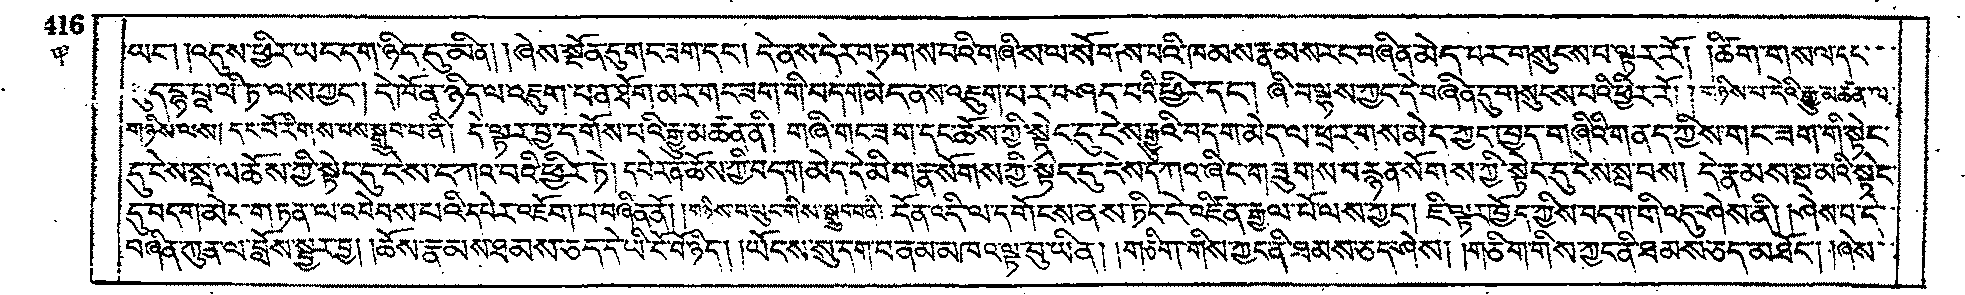ཡང་། །འདུས་ཕྱིར་ཡང་དག་ཉིད་དུ་མིན། །ཞེས་སྔོན་དུ་གང་ཟག་དང་། དེ་ནས་དེར་བཏགས་པའི་གཞི་ས་ལ་སོགས་པའི་ཁམས་རྣམས་རང་བཞིན་མེད་པར་གསུངས་པ་ལྟར་རོ། །ཚིག་གསལ་དང་
ཉུད་དྷ་པཱ་ལི་ཏ་ལས་ཀྱང་། དེ་ཁོ་ན་ཉིད་ལ་འཇུག་པ་ན་ཐོག་མར་གང་ཟག་གི་བདག་མེད་ནས་འཇུག་པར་བཤད་པའི་ཕྱིར་དང་། ཞི་བ་ལྷས་ཀྱང་དེ་བཞིན་དུ་གསུངས་པའི་ཕྱིར་རོ། །གཉིས་པ་དེའི་རྒྱུ་མཚན་ལ་
གཉིས་ལས། དང་པོ་རིགས་པས་སྒྲུབ་པ་ནི། དེ་ལྟར་བྱ་དགོས་པའི་རྒྱུ་མཚན་ནི། །གཞི་གང་ཟག་དང་ཆོས་ཀྱི་སྟེང་དུ་ངེས་རྒྱུའི་བདག་མེད་ལ་ཕྲ་རགས་མེད་ཀྱང་ཁྱད་གཞིའི་གནད་ཀྱིས་གང་ཟག་གི་སྟེང་
དུ་ངེས་སླ་ལ་ཆོས་ཀྱི་སྟེང་དུ་ངེས་དཀའི་བའི་ཕྱིར་ཏེ། དཔེར་ན་ཆོས་ཀྱི་བདག་མེད་དེ་མིག་རྣ་སོགས་ཀྱི་སྟེང་དུ་ངེས་དཀའ་ཞིང་གཟུགས་བརྙན་སོགས་ཀྱི་སྟེང་དུ་ངེས་སླ་བས། དེ་རྣམས་སྔ་མའི་སྟེང་
དུ་བདག་མེད་གཏན་ལ་འབེབས་པའི་དཔེར་འཇོག་པ་བཞིན་ནོ། །གཉིས་པ་ལུང་གིས་སྒྲུབ་པ་ནི།  དོན་འདི་ལ་དགོངས་ནས་ཏིང་ངེ་འཛིན་རྒྱལ་པོ་ལས་ཀྱང་། ཇི་ལྟར་ཁྱོད་ཀྱིས་བདག་གི་འདུ་ཤེས་ནི། །ཤེས་པ་དེ་
བཞིན་ཀུན་ལ་བློས་སྦྱར་བྱ། །ཆོས་རྣམས་ཐམས་ཅད་དེ་ཡི་ངོ་བོ་ཉིད། །ཡོངས་སུ་དག་པ་ནམ་མཁའ་ལྟ་བུ་ཡིན། །གཅིག་གིས་ཀྱང་ནི་ཐམས་ཅད་ཤེས། །གཅིག་གིས་ཀྱང་ནི་ཐམས་ཅད་མཐོང་། །ཞེས་